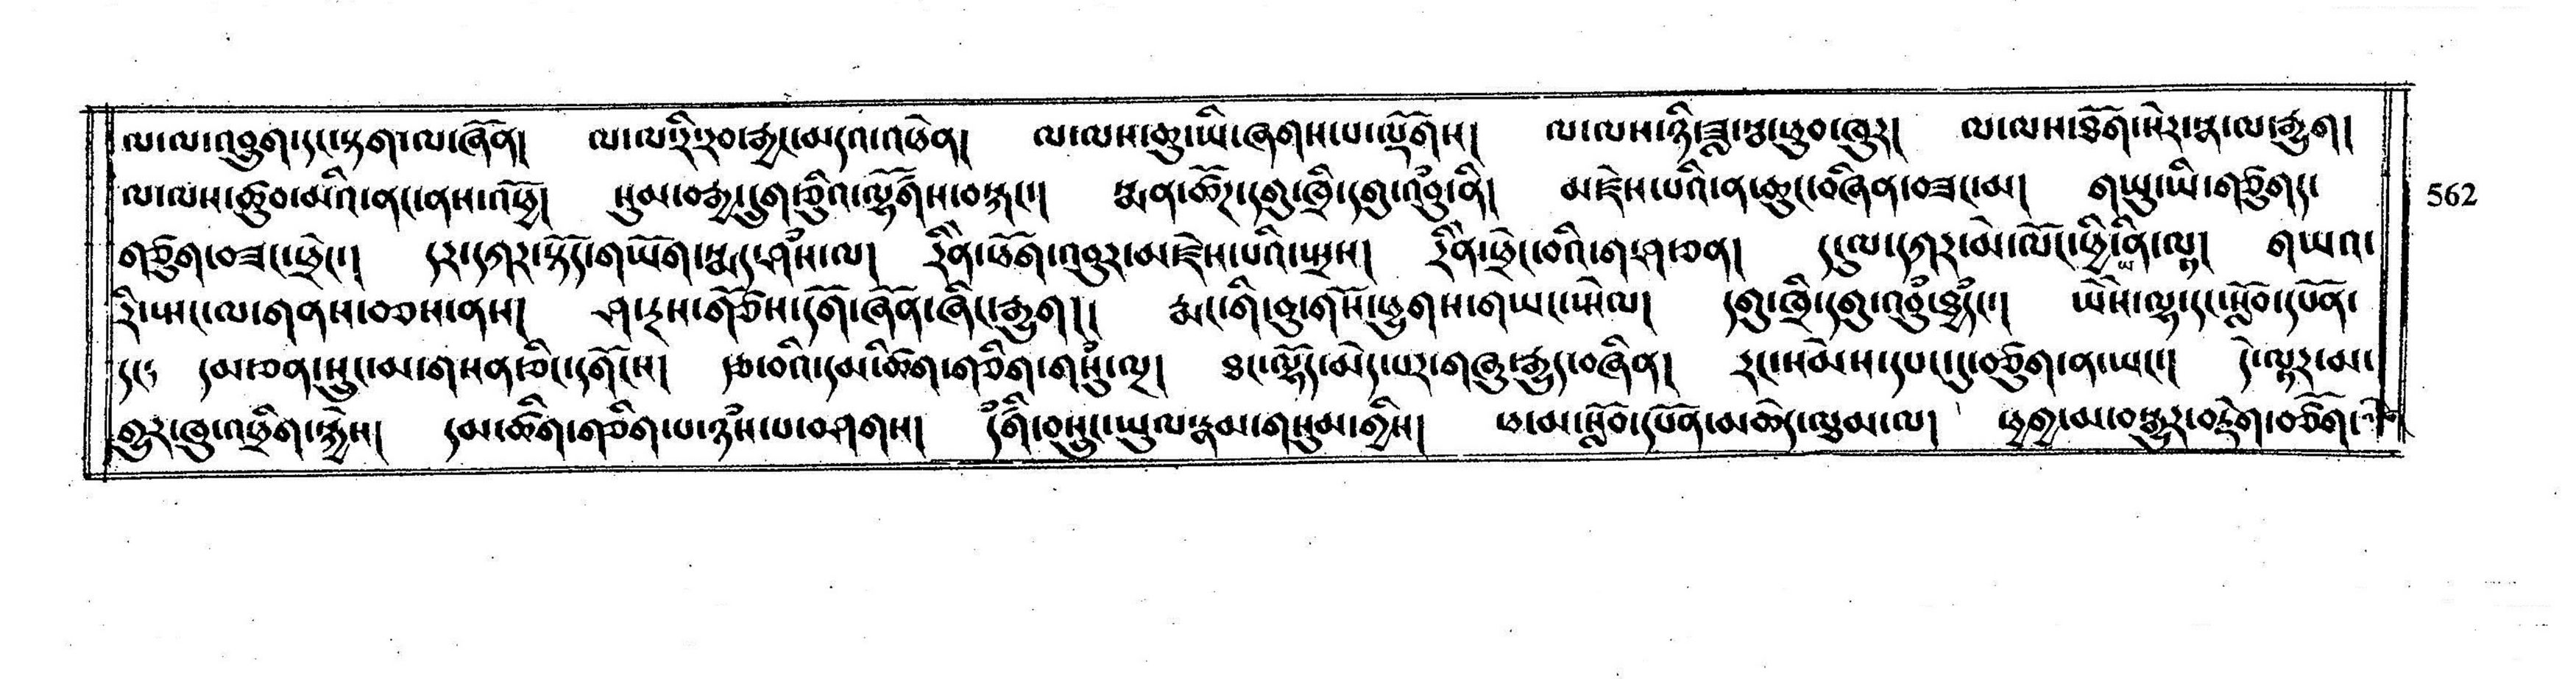ལ་ལ་འབྲུག་དང་སྟག་ལ་ཞོན། ལ་ལ་རི་རབ་རྒྱང་མདའ་འཕེན། ལ་ལས་ཆུ་ཡི་ཞགས་པ་ལྡོགས། ལ་ལས་ཉི་ཟླ་སྦ་ཕུབ་ཁུར། ལ་ལས་ཐོག་སེར་སྣ་ལ་རྒྱུག 
ལ་ལས་ཚུབ་མའི་ནང་ནས་འཕྱོ། སུམ་བརྒྱ་དྲུག་ཅུའི་ལྷ་ཚོགས་བསྐང་། སྨན་ཚོགས་དགུ་ཁྲི་དགུ་འབུམ་ནི། མཛེས་པའི་ན་ཆུང་བཞིན་བཟང་མ། གཡུ་ཡི་གཙུག་ཕུད་
གཙུག་བཟང་ཕྲེང་། དར་དཀར་སྟོད་གཡོག་སྨད་ཤམས་ལ། རིན་ཆེན་ཕོག་འབུར་མཛེས་པའི་སྤྲས། རིན་ཆེན་ཕྲེང་བའི་ག་ཤ་ཅན། དངུལ་དཀར་མེ་ལོང་ཕྱི་ཡིན་ལྟ། གཡའ་
རི་སྤང་ལ་གནས་བཅས་ནས། ཤ་རྔས་གཙོས་དགོ་ཞོན་ཞིང་རྒྱུག རྨང་གི་བུ་གསོ་ཕྱུགས་གཡང་སྤེལ། དགུ་ཁྲི་དགུ་འབུམ་ཐུགས་དམ་བསྐང་། ཡེ་ཤེས་ལྷ་དང་སློབ་དཔོན་
དང་། དམ་ཅན་སྲུང་མ་གསན་ཅིང་དགོངས། རྩ་བའི་དམ་ཚིག་གཅིག་གསུམ་ལྔ། ཐང་ལྷོད་མེད་པར་གཞུ་རྒྱུད་བཞིན། རང་སེམས་དཔང་དུ་བཙུག་ན་ཡང་། དེ་ལྟར་མ་
གྱུར་ཁུ་འཕྲིག་སྐྱེས། དམ་ཚིག་གཅིག་པ་ཉམས་པ་བཤགས། དམ་ཚིག་བསྲུང་ཡུལ་རྣམ་གསུམ་གྱིས། ཕ་མ་སློབ་དཔོན་མཆེད་ལྕམ་ལ། ཕྱག་རྒྱ་མ་བསྒྱུར་བརྡེག་བཙོག་འཚེ། །